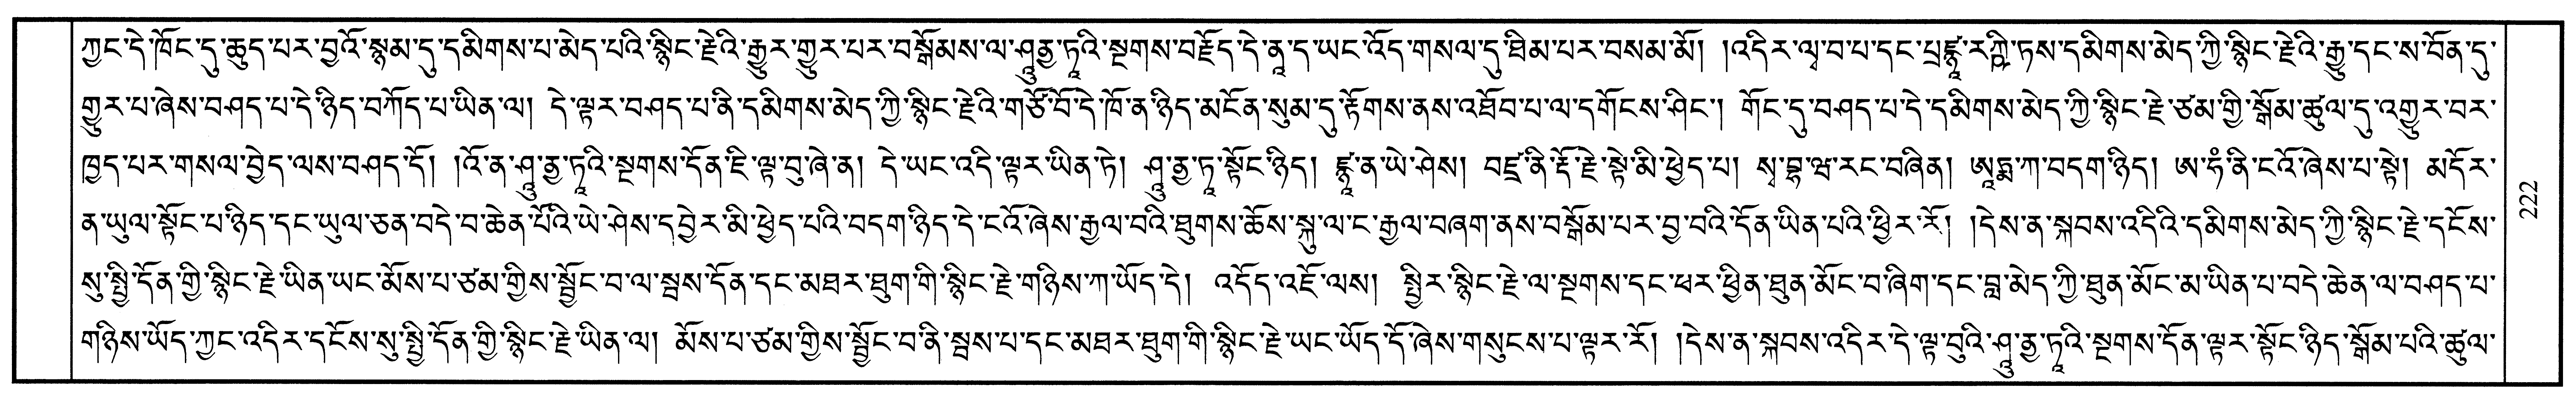ཀྱང་དེ་ཁོང་དུ་ཆུད་པར་བྱའོ་སྙམ་དུ་དམིགས་པ་མེད་པའི་སྙིང་རྗེའི་རྒྱུར་གྱུར་པར་བསྒོམས་ལ་ཤཱུནྱ་ཏཱའི་སྔགས་བརྗོད་དེ་ནཱ་ད་ཡང་འོད་གསལ་དུ་ཐིམ་པར་བསམ་མོ། །འདིར་ལྭ་བ་པ་དང་པྲཛྙཱ་རཀྵི་ཏས་དམིགས་མེད་ཀྱི་སྙིང་རྗེའི་རྒྱུ་དང་ས་བོན་དུ་
གྱུར་པ་ཞེས་བཤད་པ་དེ་ཉིད་བཀོད་པ་ཡིན་ལ། དེ་ལྟར་བཤད་པ་ནི་དམིགས་མེད་ཀྱི་སྙིང་རྗེའི་གཙོ་བོ་དེ་ཁོ་ན་ཉིད་མངོན་སུམ་དུ་རྟོགས་ནས་འཐོབ་པ་ལ་དགོངས་ཤིང་། གོང་དུ་བཤད་པ་དེ་དམིགས་མེད་ཀྱི་སྙིང་རྗེ་ཙམ་གྱི་སྒོམ་ཚུལ་དུ་འགྱུར་བར་
ཁྱད་པར་གསལ་བྱེད་ལས་བཤད་དོ། །འོ་ན་ཤཱུ་ནྱ་ཏཱའི་སྔགས་དོན་ཇི་ལྟ་བུ་ཞེ་ན། དེ་ཡང་འདི་ལྟར་ཡིན་ཏེ། ཤཱུ་ནྱ་ཏཱ་སྟོང་ཉིད། ཛྙཱ་ན་ཡེ་ཤེས། བཛྲ་ནི་རྡོ་རྗེ་སྟེ་མི་ཕྱེད་པ། སྭ་བྷ་ཝ་རང་བཞིན། ཨཱཏྨ་ཀ་བདག་ཉིད། ཨ་ཧཾ་ནི་ངའོ་ཞེས་པ་སྟེ། མདོར་
ན་ཡུལ་སྟོང་པ་ཉིད་དང་ཡུལ་ཅན་བདེ་བ་ཆེན་པོའི་ཡེ་ཤེས་དབྱེར་མི་ཕྱེད་པའི་བདག་ཉིད་དེ་ངའོ་ཞེས་རྒྱལ་བའི་ཐུགས་ཆོས་སྐུ་ལ་ང་རྒྱལ་བཞག་ནས་བསྒོམ་པར་བྱ་བའི་དོན་ཡིན་པའི་ཕྱིར་རོ། །དེས་ན་སྐབས་འདིའི་དམིགས་མེད་ཀྱི་སྙིང་རྗེ་དངོས་
སུ་སྤྱི་དོན་གྱི་སྙིང་རྗེ་ཡིན་ཡང་མོས་པ་ཙམ་གྱིས་སྦྱོང་བ་ལ་སྦས་དོན་དང་མཐར་ཐུག་གི་སྙིང་རྗེ་གཉིས་ཀ་ཡོད་དེ། འདོད་འཇོ་ལས། སྤྱིར་སྙིང་རྗེ་ལ་སྔགས་དང་ཕར་ཕྱིན་ཐུན་མོང་བ་ཞིག་དང་བླ་མེད་ཀྱི་ཐུན་མོང་མ་ཡིན་པ་བདེ་ཆེན་ལ་བཤད་པ་
གཉིས་ཡོད་ཀྱང་འདིར་དངོས་སུ་སྤྱི་དོན་གྱི་སྙིང་རྗེ་ཡིན་ལ། མོས་པ་ཙམ་གྱིས་སྦྱོང་བ་ནི་སྦས་པ་དང་མཐར་ཐུག་གི་སྙིང་རྗེ་ཡང་ཡོད་དོ་ཞེས་གསུངས་པ་ལྟར་རོ། །དེས་ན་སྐབས་འདིར་དེ་ལྟ་བུའི་ཤཱུ་ནྱ་ཏཱའི་སྔགས་དོན་ལྟར་སྟོང་ཉིད་སྒོམ་པའི་ཚུལ་